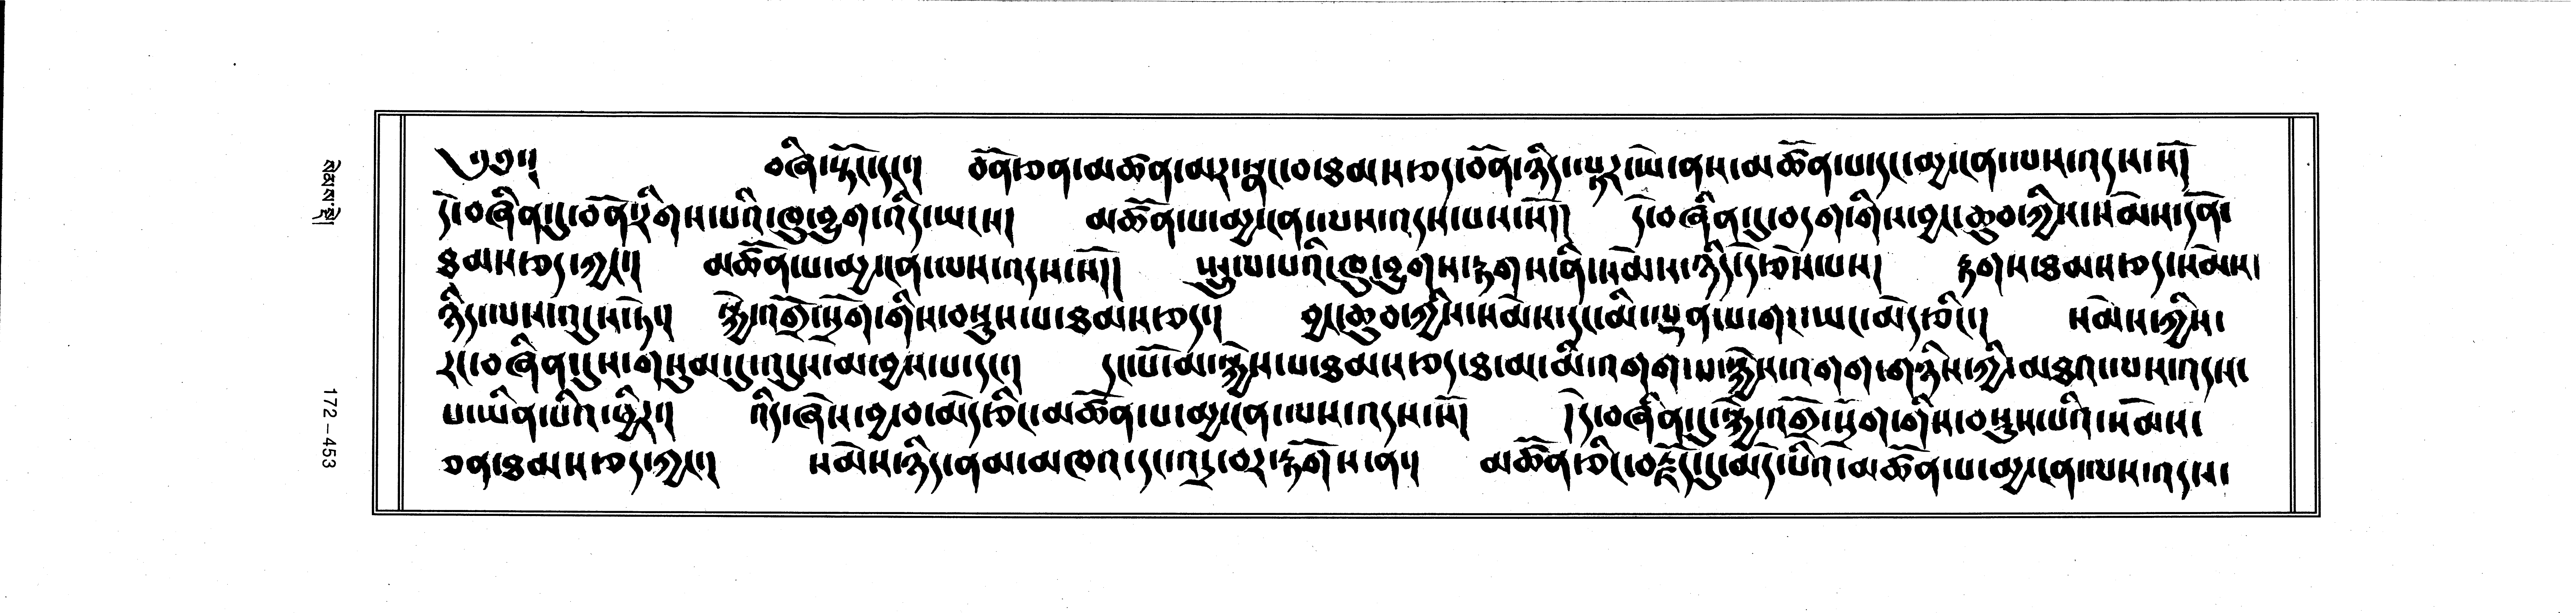བོན་ཅན་མཚན་མར་སྣང་བ་ཐམས་ཅད་བོན་ཉིད་ལྟར་ཡེ་ནས་མཚོན་པ་དང་མྱ་ངན་ལས་འདས་སོ། 
དེ་བཞིན་དུ་བོན་རིགས་པའི་ཁུ་བྱུག་འདི་ཡང་། མཚོན་པ་མྱ་ངན་ལས་འདས་པས་སོ། དེ་བཞིན་དུ་བདག་གིས་བྱང་ཆུབ་ཀྱིས་སེམས་དོན་
ཐམས་ཅད་ཀྱང་། མཚོན་པ་མྱ་ངན་ལས་འདས་སོ། སྤྲུལ་པའི་ཁུ་བྱུག་རྟགས་ནི་སེམས་ཉིད་དེ་ཅེས་པས། རྟགས་ཐམས་ཅད་སེམས་
ཉིད་ལས་འདུས་ཏེ། སྐྱེ་འགྲོ་སྲོག་གིས་བསྡུས་པ་ཐམས་ཅད། བྱང་ཆུབ་ཀྱིས་སེམས་དང་མི་ལྡན་པ་གང་ཡང་མེད་ཅིང་། སེམས་ཀྱིས་
རང་བཞིན་དུས་གསུམ་དུ་འདུས་མ་བྱས་པ་དང་། དང་པོ་མ་སྐྱེས་པ་ཐམས་ཅད་ཐ་མ་མི་འགག་པ་སྐྱེས་འགག་གཉིས་ཀྱི་མཐའ་ལས་འདས་
པ་ཡིན་པའི་ཕྱིར། འདི་ཞེས་བྱ་བ་མེད་ཅིང་མཚོན་པ་མྱང་ངན་ལས་འདས་སོ། དེ་བཞིན་དུ་སྐྱེ་འགྲོ་སྲོག་གིས་བསྡུས་པའི་སེམས་
ཅན་ཐམས་ཅད་ཀྱང་། སེམས་ཉིད་ནམ་མཁའ་དང་འདྲ་བར་རྟོགས་ན། མཚོན་ཅིང་བརྗོད་དུ་མེད་པའི་མཚོན་པ་མྱ་ངན་ལས་འདས་